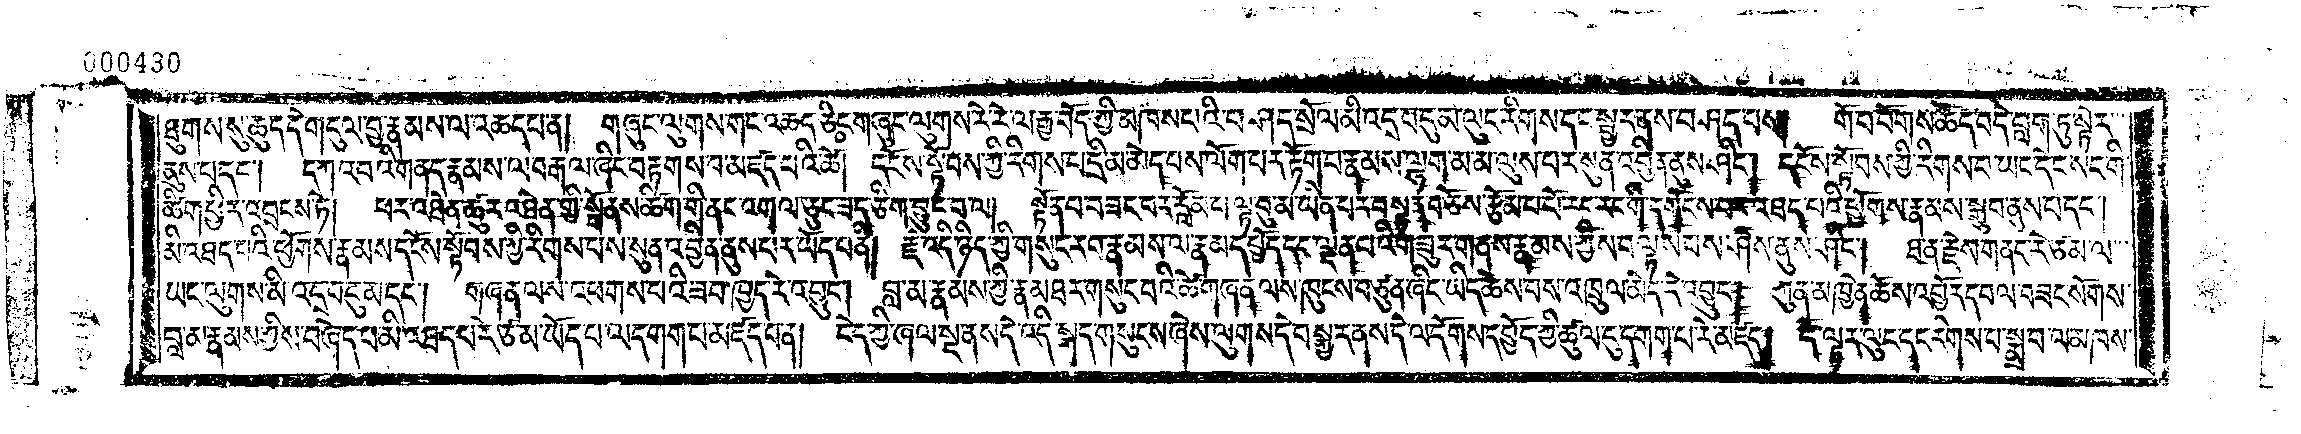ཐུགས་སུ་ཆུད་དེ་གདུལ་བྱ་རྣམས་ལ་འཆད་པ་ན། གཞུང་ལུགས་གང་འཆད་ཅིང་གཞུང་ལུགས་རེ་རེ་ལ་རྒྱ་བོད་ཀྱི་མཁས་པའི་བཤད་སྲོལ་མི་འདྲ་བ་དུ་མ་ལུང་རིགས་དང་སྦྱར་ནས་བཤད་པས། གོ་བ་བོགས་ཆོད་བདེ་བླག་ཏུ་སྟེར་
ནུས་པ་དང་། དཀའ་བའི་གནད་རྣམས་ལ་བརྒལ་ཞིང་བརྟགས་པ་མཛད་པའི་ཚེ། དངོས་སྟོབས་ཀྱི་རིགས་པ་དྲི་མ་མེད་པས་ལོག་པར་རྟོག་པ་རྣམས་ལྷག་མ་མ་ལུས་པར་སུན་འབྱིན་ནུས་ཤིང་། དངོས་སྟོབས་ཀྱི་རིགས་པ་ཡང་དེང་སང་གི་
ཚིག་ཕྱིར་འབྲངས་ཏེ། ཕར་འཐེན་ཚུར་འཐེན་གྱི་སྒོ་ནས་ཚིག་གི་ནང་འགལ་ཅུང་ཟད་ཅིག་བྱུང་པ་ལ། སྟོན་པ་བཟང་བར་རློམ་པ་ལྟ་བུ་མ་ཡིན་པར་བསྟན་བཅོས་རྩོམ་པ་པོ་རང་རང་གི་དགོངས་པར་འཐད་པའི་ཕྱོགས་རྣམས་སྒྲུབ་ནུས་པ་དང་།
མི་འཐད་པའི་ཕྱོགས་རྣམས་དངོས་སྟོབས་ཀྱི་རིགས་པས་སུན་འབྱིན་ནུས་པར་ཡོད་པ་ནི། རྗེ་འདི་ཉིད་ཀྱི་གསུང་རབ་རྣམས་ལ་རྣམ་དཔྱོད་དང་ལྡན་པའི་གཟུར་གནས་རྣམས་ཀྱིས་བལྟས་པས་ཤེས་ནུས་ཤིང་། ཐ་ན་རྗེས་གནང་རེ་ཙམ་ལ་
ཡང་ལུགས་མི་འདྲ་བ་དུ་མ་དང་། གཞན་ལས་འཕགས་པའི་ཟབ་ཁྱད་རེ་འབྱུང་། བླ་མ་རྣམས་ཀྱི་རྣམ་ཐར་གསུང་པའི་ཚེ་གཞན་ལས་ཁུངས་བཙུན་ཞིང་ཡིད་ཆེས་པས་འཁྲུལ་མེད་རེ་འབྱུང་། ཀུན་མཁྱེན་ཆོས་འབྱོར་དཔལ་བཟང་སོགས་
བླ་མ་རྣམས་ཀྱིས་བཞེད་པ་མི་འཐད་པ་རེ་ཙམ་ཡོད་པ་ལ་དགག་པ་མཛད་པ་ན། ངེད་ཀྱི་ཞལ་སྔ་ནས་དེ་འདི་སྐད་གསུངས་ཞེས་ལུགས་དེ་བསྐྱར་ནས་དེ་ལ་དོགས་དབྱོད་ཀྱི་ཚུལ་དུ་དགག་པ་རེ་མཛད། དེ་ལྟར་ལུང་དང་རིགས་པ་སྨྲ་བ་ལ་མཁས་